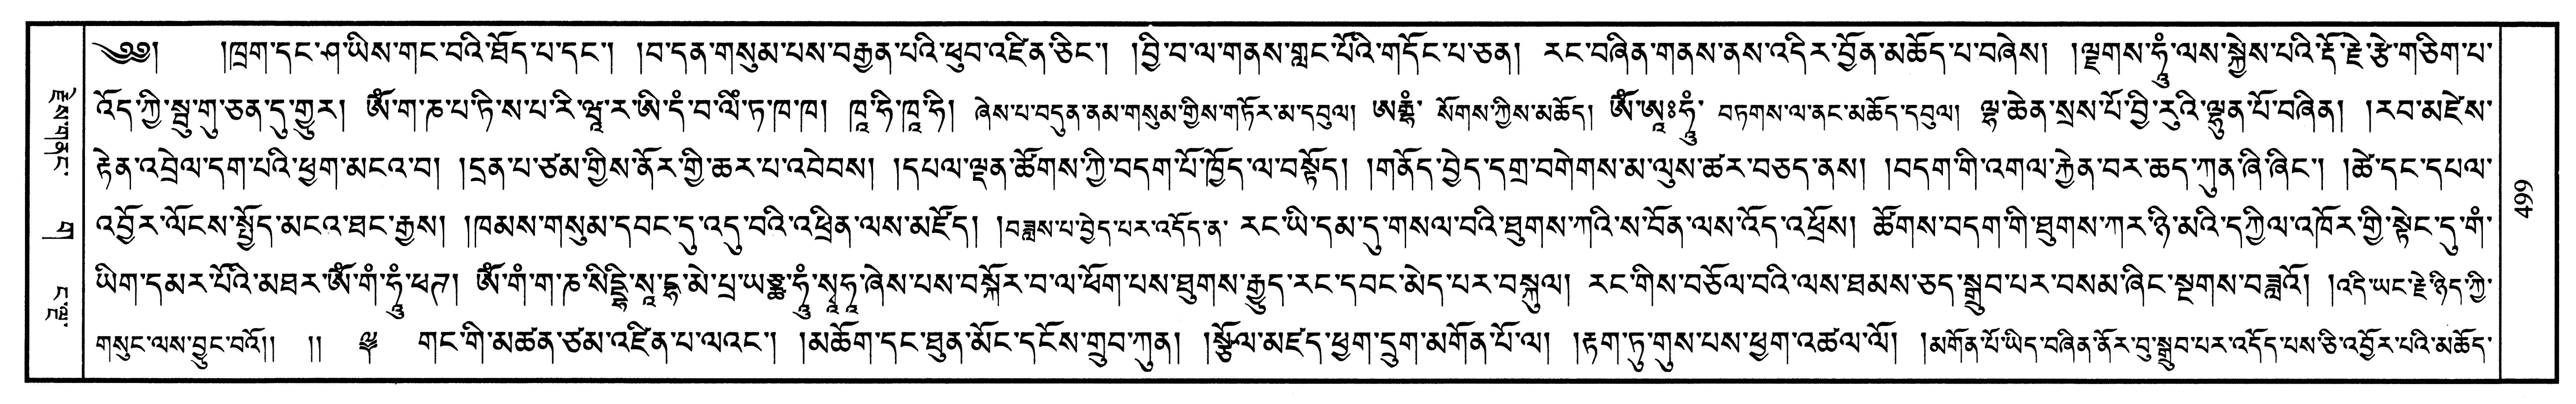༄༅། །ཁྲག་དང་ཤ་ཡིས་གང་བའི་ཐོད་པ་དང་། །བ་དན་གསུམ་པས་བརྒྱན་པའི་ཕུབ་འཛིན་ཅིང་། །བྱི་བ་ལ་གནས་གླང་པོའི་གདོང་པ་ཅན། རང་བཞིན་གནས་ནས་འདིར་བྱོན་མཆོད་པ་བཞེས། །ལྗགས་ཧཱུཾ་ལས་སྐྱེས་པའི་རྡོ་རྗེ་རྩེ་གཅིག་པ་
འོད་ཀྱི་སྦུ་གུ་ཅན་དུ་གྱུར། ཨོཾ་ག་ཎ་པ་ཏི་ས་པ་རི་ཝཱ་ར་ཨི་དཾ་བ་ལིཾ་ཏ་ཁ་ཁ། ཁཱ་ཧི་ཁཱ་ཧི། ཞེས་པ་བདུན་ནམ་གསུམ་གྱིས་གཏོར་མ་དབུལ། ཨརྒྷཾ་སོགས་ཀྱིས་མཆོད། ཨོཾ་ཨཱཿ ཧཱུཾ་བཏགས་ལ་ནང་མཆོད་དབུལ། ལྷ་ཆེན་སྲས་པོ་བྱི་རུའི་ལྷུན་པོ་བཞིན། །རབ་མཛེས་
རྟེན་འབྲེལ་དག་པའི་ཕྱག་མངའ་བ། །དྲན་པ་ཙམ་གྱིས་ནོར་གྱི་ཆར་པ་འབེབས། །དཔལ་ལྡན་ཚོགས་ཀྱི་བདག་པོ་ཁྱོད་ལ་བསྟོད། །གནོད་བྱེད་དགྲ་བགེགས་མ་ལུས་ཚར་བཅད་ནས། །བདག་གི་འགལ་རྐྱེན་བར་ཆད་ཀུན་ཞི་ཞིང་། །ཚེ་དང་དཔལ་
འབྱོར་ལོངས་སྤྱོད་མངའ་ཐང་རྒྱས། །ཁམས་གསུམ་དབང་དུ་འདུ་བའི་འཕྲིན་ལས་མཛོད། །བཟླས་པ་བྱེད་པར་འདོད་ན་རང་ཡི་དམ་དུ་གསལ་བའི་ཐུགས་ཀའི་ས་བོན་ལས་འོད་འཕྲོས། ཚོགས་བདག་གི་ཐུགས་ཀར་ཉི་མའི་དཀྱིལ་འཁོར་གྱི་སྟེང་དུ་གཾ་
ཡིག་དམར་པོའི་མཐར་ཨོཾ་གཾ་ཧཱུཾ་ཕཊ། ཨོཾ་གཾ་ག་ཎ་སིདྡྷི་སཱ་དྷ་མེ་པྲ་ཡ་ཙྪ་སྭཱ་ཧཱ་ཞེས་པས་བསྐོར་བ་ལ་ཕོག་པས་ཐུགས་རྒྱུད་རང་དབང་མེད་པར་བསྐུལ། རང་གིས་བཅོལ་བའི་ལས་ཐམས་ཅད་སྒྲུབ་པར་བསམ་ཞིང་སྔགས་བཟླའོ། །འདི་ཡང་རྗེ་ཉིད་ཀྱི་
གསུང་ལས་བྱུང་བའོ།། །། ༈ གང་གི་མཚན་ཙམ་འཛིན་པ་ལའང་། །མཆོག་དང་ཐུན་མོང་དངོས་གྲུབ་ཀུན། །སྩོལ་མཛད་ཕྱག་དྲུག་མགོན་པོ་ལ། །རྟག་ཏུ་གུས་པས་ཕྱག་འཚལ་ལོ། །མགོན་པོ་ཡིད་བཞིན་ནོར་བུ་སྒྲུབ་པར་འདོད་པས་ཅི་འབྱོར་པའི་མཆོད་